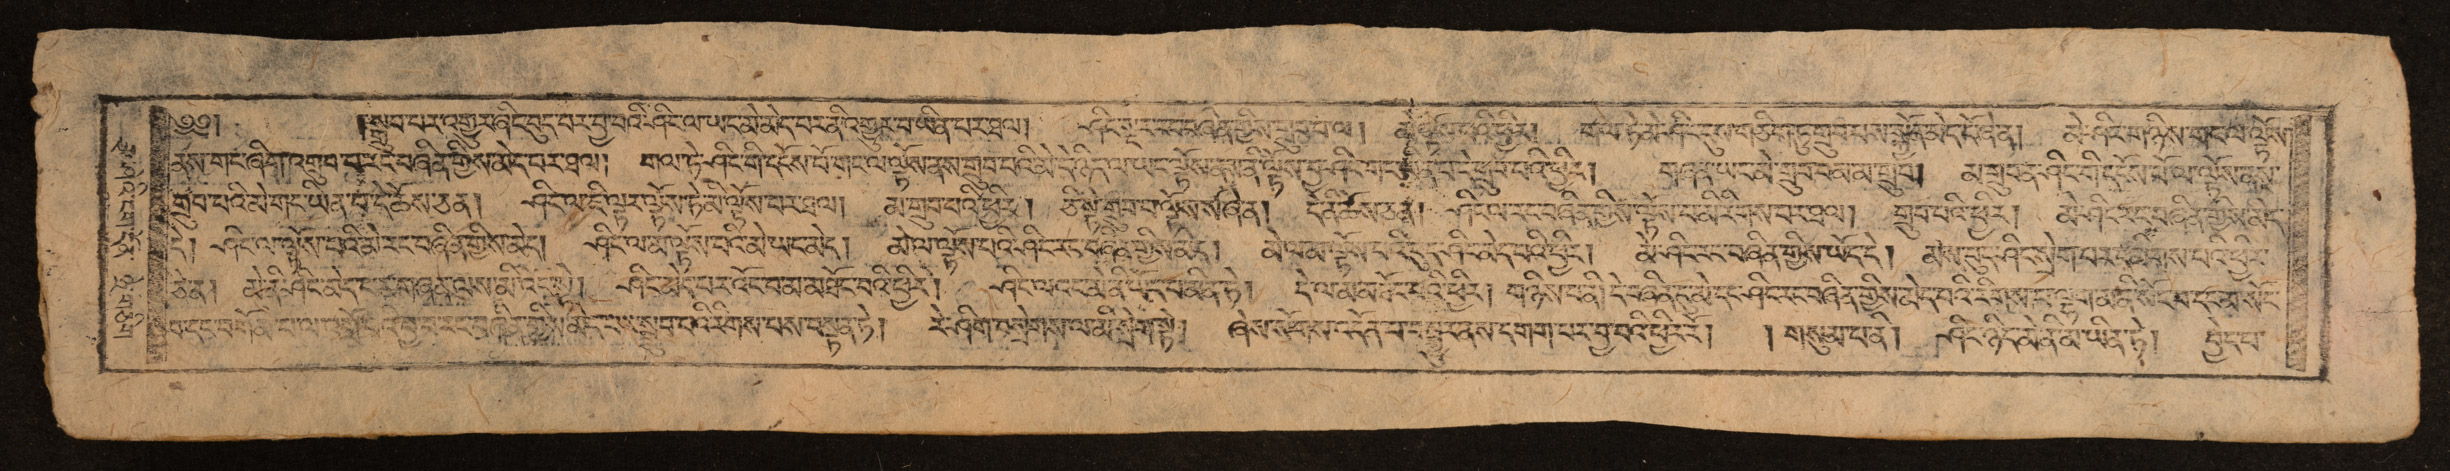༄༅། །སྒྲུབ་པར་འགྱུར་ཞིང་བུད་པར་བྱ་བའི་ཤིང་ལ་ཡང་མེ་མེད་པར་ནི་འགྱུར་བ་ཡིན་པར་ཐལ། ཤིང་སྔར་རང་བཞིན་གྱིས་གྲུབ་པ་ལ། མེ་ལྟོས་པའི་ཕྱིར། གལ་ཏེ་མེ་ཤིང་དུས་གཅིག་ཏུ་གྲུབ་པས་སྐྱོན་མེད་དོ་ཞེ་ན། མེ་ཤིང་གཉིས་གང་ལ་ལྟོས་
ནས་གང་ཞིག་འགྲུབ་པ་རང་བཞིན་གྱིས་མེད་པར་ཐལ། གལ་ཏེ་ཤིང་གི་དངོས་པོ་གང་ལ་ལྟོས་ནས་གྲུབ་པའི་མེ་དེ་ཉིད་ལ་ཡང་ལྟོས་ནས་ནི་ལྟོས་བྱ་ཤིང་གང་ཡིན་པ་དེ་གྲུབ་པའི་ཕྱིར། གཞན་ཡང་མེ་གྲུབ་བམ་མ་གྲུབ། མ་གྲུབ་ན་ཤིང་གི་དངོས་པོ་ལ་ལྟོས་ནས་
གྲུབ་པའི་མེ་གང་ཡིན་པ་དེ་ཆོས་ཅན། ཤིང་ལ་ཇི་ལྟར་ལྟོས་ཏེ་མི་ལྟོས་པར་ཐལ། མ་གྲུབ་པའི་ཕྱིར། ཅི་སྟེ་གྲུབ་པ་ལྟོས་སོ་ཞེ་ན། དེ་ནི་ཆོས་ཅན། ཤིང་ལ་རང་བཞིན་གྱིས་ལྟོས་པ་མི་རིགས་པར་ཐལ། གྲུབ་པའི་ཕྱིར། མེ་ཤིང་རང་བཞིན་གྱིས་མེད་
དེ། ཤིང་ལ་ལྟོས་པའི་མེ་རང་བཞིན་གྱིས་མེད། ཤིང་ལ་མ་ལྟོས་པའི་མེ་ཡང་མེད། མེ་ལ་ལྟོས་པའི་ཤིང་རང་བཞིན་གྱིས་མེད། མེ་ལ་མ་ལྟོས་པའི་བུད་ཤིང་མེད་པའི་ཕྱིར། མེ་ཤིང་རང་བཞིན་གྱིས་ཡོད་དེ། མེས་བུད་ཤིང་སྲེག་པར་དམིགས་པའི་ཕྱིར་
ཅེ་ན། མེ་ནི་ཤིང་མེད་པར་གཞན་ལས་མི་འོང་སྟེ། ཤིང་མེད་པར་འོང་བ་མ་མཐོང་བའི་ཕྱིར། ཤིང་ལའང་མེ་ནི་ཡོད་པ་མིན་ཏེ། དེ་ལ་མ་མཐོང་བའི་ཕྱིར། གཉིས་པ་ནི། དེ་བཞིན་དུ་མེ་དང་ཤིང་རང་བཞིན་གྱིས་མེད་པའི་རིགས་པ་ལྷག་མ་ནི་སོང་བ་དང་མ་སོང་
བ་དང་བགོམ་པ་ལ་འགྲོ་བའི་བྱ་བ་རང་བཞིན་གྱིས་མེད་པར་སྒྲུབ་པའི་རིགས་པས་བསྟན་ཏེ། རེ་ཤིག་བསྲེགས་ལ་མི་སྲེག་སྟེ། ཞེས་སོགས་འདོན་པ་བསྒྱུར་ནས་དགག་པར་བྱ་བའི་ཕྱིར་རོ། །གསུམ་པ་ནི། ཤིང་ཉིད་མེ་ནི་མ་ཡིན་ཏེ། བྱེད་པ་